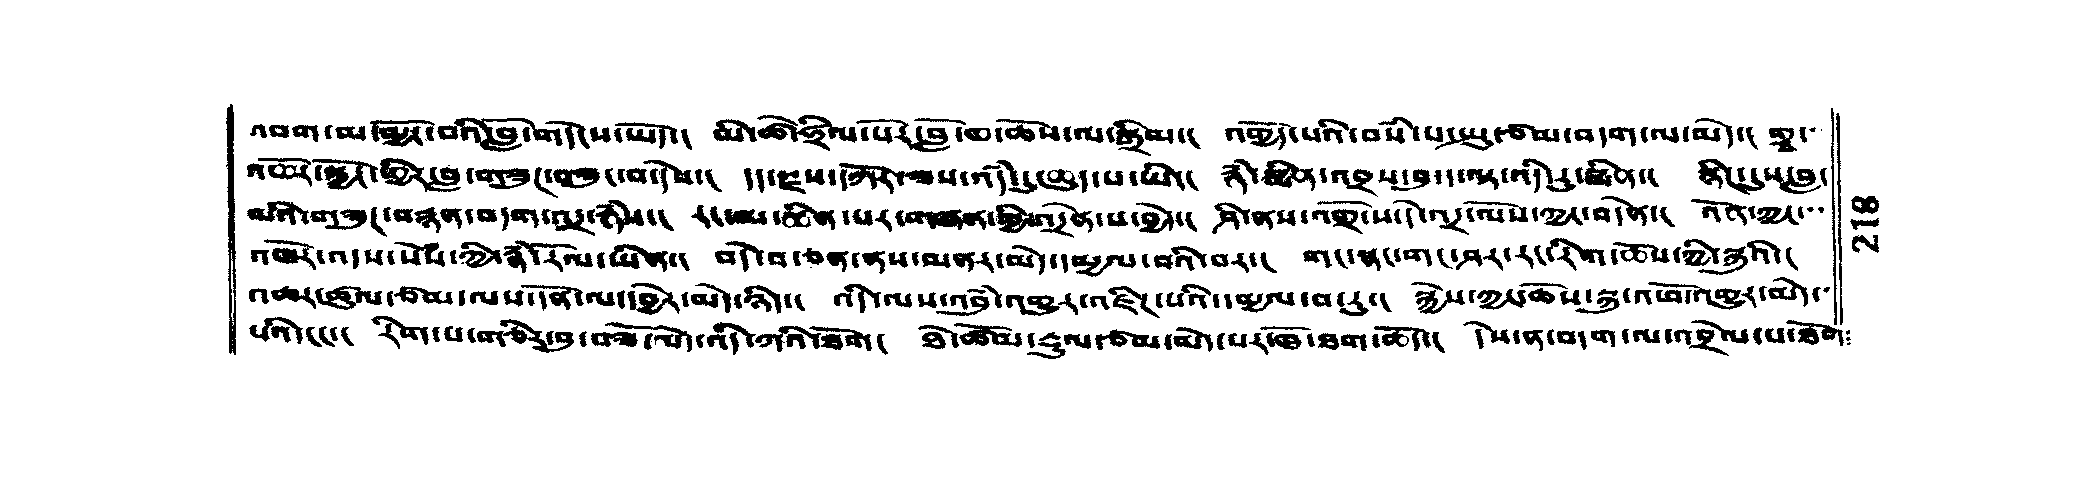འབག་མ་མྱོང་བའི་བློ་གདེངས་ཡོད། །མི་ཚེ་ཧྲིལ་པོར་བློ་ཁ་ཆོས་ལ་སྒྲིམ། །འགྱོད་པའི་བསམ་པ་སྤུ་ཙམ་བདག་ལ་མེད། །གྲྭ་
འཁོར་སྐྱོང་ཕྱིར་བླ་གཟུགས་བཟུང་བ་དེས། །དད་རྫས་དཀོར་ཟས་འདམ་དུ་ཆུད་པ་ཡི། །རྣམ་སྨིན་འབྲས་བུ་ད་ལྟ་འདི་རུ་སྨིན། །སྙིགས་དུས་བླ་
མའི་གཟུགས་བརྙན་བདག་འདྲ་རྣམས། །རང་མ་སྨིན་པར་གཞན་གྱི་འདྲེན་པ་བྱེད། །ཤི་ནས་འགྲོ་ས་དེ་འདྲ་ལོས་ཀྱང་བདེན། །འོན་ཀྱང་
འཁོར་འདས་སེམས་ཀྱི་རྣམ་རོལ་ཡིན། །བདེ་བ་ཅན་ནས་མནར་མེད་དམྱལ་བའི་བར། །གང་སྣང་གང་ཤར་རང་རིག་ཆོས་ཀྱི་སྐུའི། །
འཆར་ཚུལ་ཙམ་ལས་དོན་ལ་དབྱེར་མེད་ཉིད། །འདི་ལས་འབུམ་འགྱུར་འཇིགས་པའི་དམྱལ་བ་རུ། །སྐྱེས་ཀྱང་ཆོས་སྐུ་འཕོ་འགྱུར་མེད་
པའི་ངང་། །རིག་པ་གཅེར་བུ་བཟོ་མེད་འདི་ཀའི་ཐོག།ཐེ་ཚོམ་རྡུལ་ཙམ་མེད་པར་ཁོ་ཐག་ཆོད། །དེས་ན་བདག་ལ་འབྲེལ་པ་ཐོག་